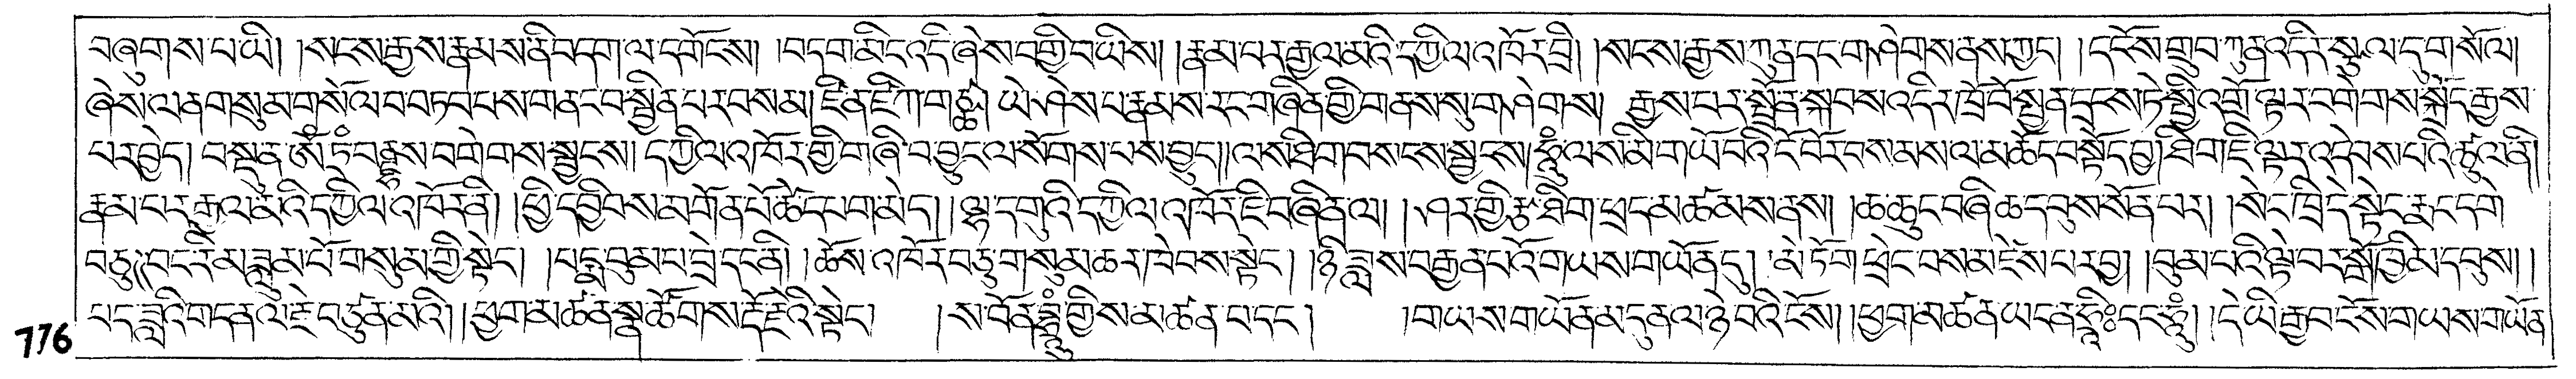བཞུགས་པ་ཡི། །སངས་རྒྱས་རྣམས་ནི་བདག་ལ་དགོངས། །བདག་མིང་འདི་ཞེས་བགྱི་བ་ཡིས། །རྣམ་པར་རྒྱལ་མའི་དཀྱིལ་འཁོར་བྲི། །སངས་རྒྱས་ཀུན་དང་གཤེགས་ནས་ཀྱང་། །དངོས་གྲུབ་ཀུན་འདིར་སྩལ་དུ་གསོལ།
ཞེས་ལན་གསུམ་གསོལ་བ་བཏབ་པས་གནང་བ་སྦྱིན་པར་བསམ། ཛི་ན་ཛི་ཀ་གཙྪ། ཡེ་ཤེས་པ་རྣམས་རང་གཞིན་གྱི་གནས་སུ་གཤེགས། རྒྱས་པར་སྤྲོ་ན་སྐབས་འདིར་ཁྲོ་བོ་སྤྱན་དྲངས་ཏེ་སྤྱི་འགྲོ་ལྟར་བགེགས་སྐྲོད་རྒྱས་
པར་བྱེད། བསྡུ་ན་ཨོཾ་ཏྲཾ་བནྡྷས་བགེགས་སྦྱངས། དཀྱིལ་འཁོར་གྱི་གཞི་བ་བྱུང་ལ་སོགས་པས་བྱུང་། །ལས་ཐིག་བསངས་སྦྱངས། ཧཱུཾ་ལས་མི་གཡོ་བའི་ངོ་བོར་བསམས་ལ་མཆོད་བསྟོད་བྱ། ཐིག་ཇི་ལྟར་འདེབས་པའི་ཚུལ་ནི།
རྣམ་པར་རྒྱལ་མའི་དཀྱིལ་འཁོར་ནི། །ཕྱི་དབྱིབས་མགོན་པོ་ཚེ་དཔག་མེད། །ལྷ་དགུའི་དཀྱིལ་འཁོར་ཇི་བཞིན་ལ། །ཤར་གྱི་རྩ་ཐིག་ཕྲད་མཚམས་ནས། །ཆུ་ཆུང་བཞི་ཆ་དབུས་སོན་པར། །སེང་ཁྲི་དེ་སྟེང་རྨང་དགེ་
བཅུ༑ ༑བང་རིམ་ཟླུམ་པོ་གསུམ་གྱི་སྟེང་། །པདམ་བུམ་པ་བྲེ་དང་ནི། །ཆོས་འཁོར་བཅུ་གསུམ་ཆར་ཁེབས་སྟེང་། །ཉི་ཟླས་བརྒྱན་པའོ་གཡས་གཡོན་དུ། །མེ་ཏོག་ཕྲེང་བས་མཛེས་པར་བྱ། །བུམ་པའི་ལྟེ་བར་སྒོ་ཁྱིམ་དབུས། །
པད་ཟླའི་གདན་ལ་རྗེ་བཙུན་མའི། །ཕྱག་མཚན་སྣ་ཚོགས་རྡོ་རྗེའི་སྟེང་། །ས་བོན་བྷྲཱུཾ་གྱིས་མཚན་པ་དང་། །གཡས་གཡོན་མདུན་ལ་ཉེ་བའི་ངོས། །ཕྱག་མཚན་ཡང་ན་ཧྲཱིཿ དང་ཧཱུཾ། །དེ་ཡི་རྒྱབ་ངོས་གཡས་གཡོན་